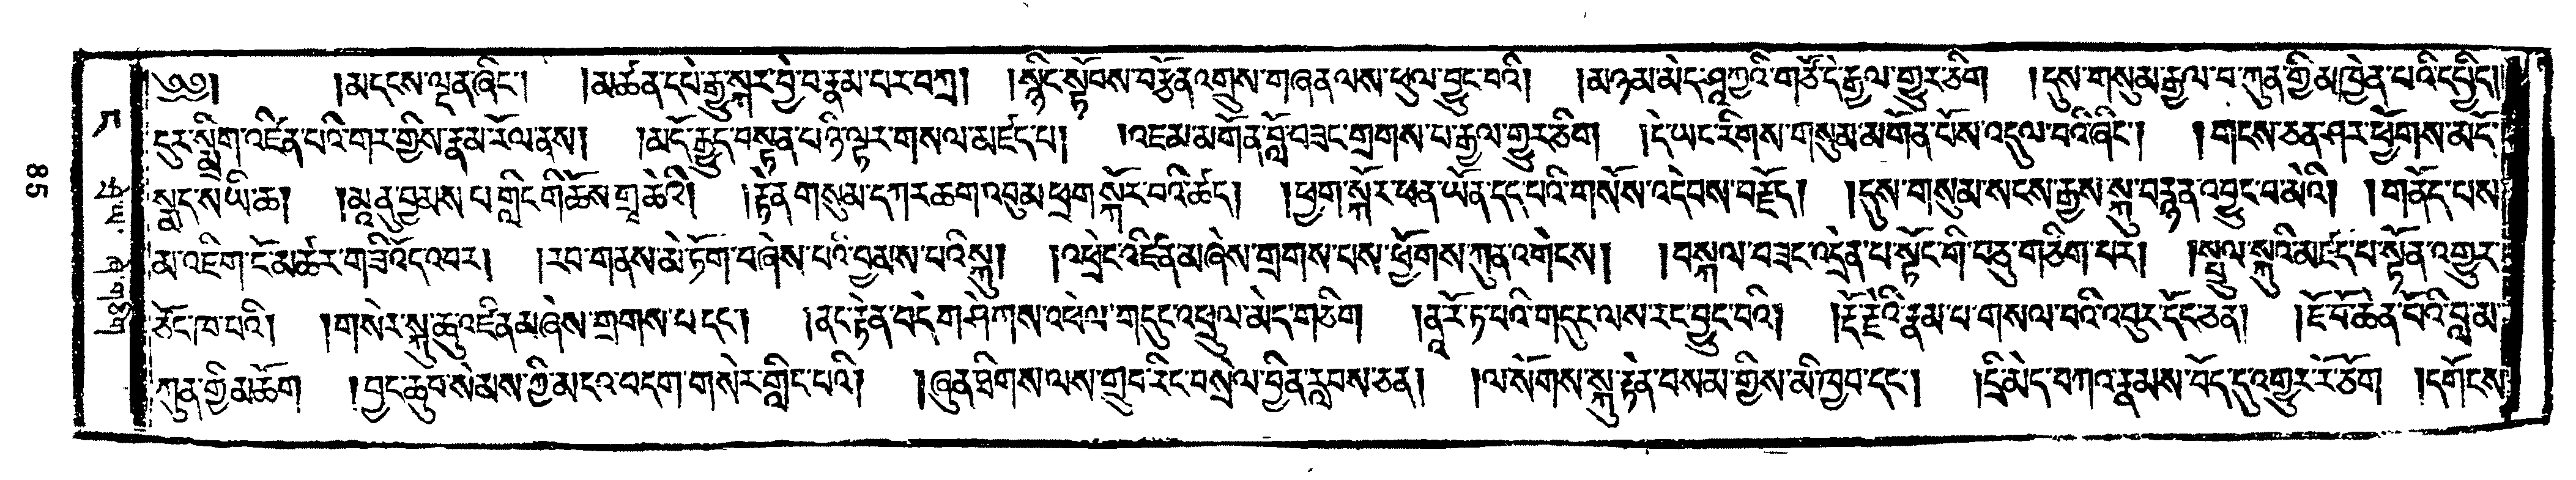༄༅། །མདངས་ལྡན་ཞིང་། །མཚན་དཔེ་རྒྱུ་སྐར་བྱེ་བ་རྣམ་པར་བཀྲ། །སྙིང་སྟོབས་བརྩོན་འགྲུས་གཞན་ལས་ཕུལ་བྱུང་བའི། །མཉམ་མེད་ཤཱཀྱའི་གཙོ་དེ་རྒྱལ་གྱུར་ཅིག །དུས་གསུམ་རྒྱལ་བ་ཀུན་གྱི་མཁྱེན་པའི་དཔྱིད།།
དུར་སྨྲིག་འཛིན་པའི་གར་གྱིས་རྣམ་རོལ་ནས། །མདོ་རྒྱུད་བསྟན་པ་ཉི་ལྟར་གསལ་མཛད་པ། །འཇམ་མགོན་བློ་བཟང་གྲགས་པ་རྒྱལ་གྱུར་ཅིག །དེ་ཡང་རིགས་གསུམ་མགོན་པོས་འདུལ་བའི་ཞིང་། །གངས་ཅན་ཤར་ཕྱོགས་མདོ་
སྨད་ས་ཡི་ཆ། །མཱ་ནུ་བྱམས་པ་གླིང་གི་ཆོས་གྲྭ་ཆེའི། །རྟེན་གསུམ་དཀར་ཆག་འབུམ་ཕྲག་སྐོར་བའི་ཚད། །ཕྱག་སྐོར་ཕན་ཡོན་དད་པའི་གསོས་འདེབས་བརྗོད། །དུས་གསུམ་སངས་རྒྱས་སྐུ་བརྙན་འབྱུང་བ་མེའི། །གནོད་པས་
མ་འཇིག་ངོ་མཚར་གཟི་འོད་འབར། །རབ་གནས་མེ་ཏོག་བཞེས་པའི་བྱམས་པའི་སྐུ། །འཕྲེང་འཛིན་མ་ཞེས་གྲགས་པས་ཕྱོགས་ཀུན་འགེངས། །བསྐལ་བཟང་འདྲེན་པ་སྟོང་གི་བཅུ་གཅིག་པར། །སྤྲུལ་སྐུའི་མཛད་པ་སྟོན་འགྱུར་
ཙོང་ཁ་པའི། །གསེར་སྐུ་ཆུ་འཛིན་མ་ཞེས་གྲགས་པ་དང་། །ནང་རྟེན་བདེ་གཤེགས་འཕེལ་གདུང་འཕྲུལ་མེད་གཅིག །ནཱ་རོ་ཏ་པའི་གདུང་ལས་རང་བྱུང་བའི། །རྡོ་རྗེའི་རྣམ་པ་གསལ་བའི་འབུར་དོང་ཅན། །ཇོ་བོ་ཆེན་པོའི་བླ་མ་
ཀུན་གྱི་མཆོག །བྱང་ཆུབ་སེམས་ཀྱི་མངའ་བདག་གསེར་གླིང་པའི། །ཞུན་ཐིགས་ལས་གྲུབ་རིང་བསྲེལ་བྱིན་རླབས་ཅན། །ལ་སོགས་སྐུ་རྟེན་བསམ་གྱིས་མི་ཁྱབ་དང་། །དྲི་མེད་བཀའ་རྣམས་བོད་དུ་འགྱུར་རོ་ཅོག །དགོངས་